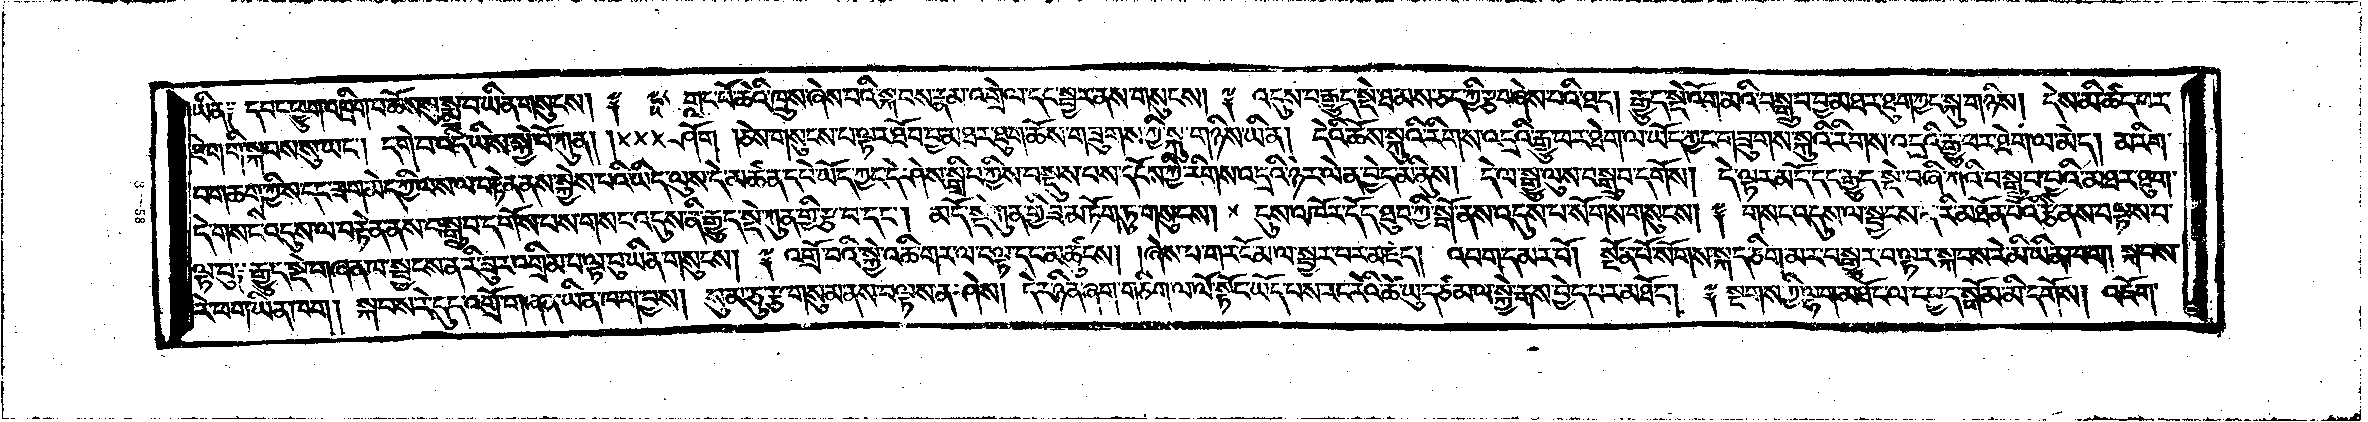ཡིན༑ དབང་ཕྱུག་འཁྲིག་པ་ཆོས་སུ་སྨྲ་བ་ཡིན་གསུངས། ༈ ༧༨བ༥་གླང་པོ་ཆེའི་ཁྲུས་ཞེས་པའི་སྐབས་རྣམ་འགྲེལ་དང་སྦྱར་ནས་གསུངས། ༈ འདུས་པ་རྒྱུད་སྡེ་ཐམས་ཅད་ཀྱི་རྩ་བ་ཞེས་པའི་ཐད། རྒྱུད་སྡེ་འོག་མའི་བསྒྲུབ་བྱ་མཐར་ཐུག་ཀྱང་སྐུ་གཉིས། དེས་མི་ཚད་ཕར་
ཐེག་གི་སྐབས་སུ་ཡང་། དགེ་བ་འདི་ཡིས་སྐྱེ་པོ་ཀུན། །྾྾྾་ཤོག །ཅེས་གསུངས་པ་ལྟར་ཐོབ་བྱ་མཐར་ཐུག་ཆོས་གཟུགས་ཀྱི་སྐུ་གཉིས་ཡིན། དེའི་ཆོས་སྐུའི་རིགས་འདྲའི་རྒྱུ་ཕར་ཐེག་ལ་ཡོད་ཀྱང་གཟུགས་སྐུའི་རིགས་འདྲའི་རྒྱུ་ཕར་ཐེག་ལ་མེད། མ་རིག་
བག་ཆགས་ཀྱིས་དང་ཟག་མེད་ཀྱི་ལས་ལ་བརྟེན་ནས་སྐྱེས་པའི་ཡིད་ལུས་དེ་མཚན་དཔེ་ཡོད་ཀྱང་དེ་ཤེས་སྒྲིབ་ཀྱིས་བསྡུས་པས་དངོས་ཀྱི་རིགས་འདྲའི་ཉེར་ལེན་བྱེད་མི་ནུས། དེ་ལ་སྒྱུ་ལུས་བསྒྲུབ་དགོས། དེ་ལྟར་མདོ་དང་རྒྱུད་སྡེ་བཞི་ཀའི་བསྒྲུབ་བྱའི་མཐར་ཐུག་
དེ་གསང་འདུས་ལ་བརྟེན་ནས་བསྒྲུབ་དགོས་པས་གསང་འདུས་ནི་རྒྱུད་སྡེ་ཀུན་གྱི་རྩ་བ་དང་། མདོ་སྡེ་ཀུན་གྱི་ཟམ་ཏོག་ཏུ་གསུངས། ྾་དུས་འཁོར་དོད་ཐུབ་ཀྱི་སྒོ་ནས་འདུས་པ་སོགས་གསུངས། ༈ གསང་འདུས་ལ་སྦྱངས་ན་རི་མཐོན་པོའི་རྩེ་ནས་བསྟས་པ་
ལྟ་བུ༑ རྒྱུད་སྡེ་གཞན་ལ་སྦྱངས་ན་རི་ཟུར་འགྲིམ་པ་ལྟ་བུ་ཡིན་གསུངས། ༈ འགྲོ་བའི་སྐྱེ་འཆི་གར་ལ་བལྟ་དང་མཚུངས། །ཞེས་པ་གར་ངོ་མ་ལ་སྦྱར་བར་མཛད། འབག་དམར་པོ། སྔོན་པོ་སོགས་སྐད་ཅིག་མར་བསྒྱུར་བ་ལྟར་སྐབས་རེ་མི་ཡིན་ཁག། སྐབས་
རེ་ཕག་ཡིན་ཁག། སྐབས་རེ་དུད་འགྲོ་གཞན་ཡིན་ཁག་བྱས། སུམ་ཅུ་རྩ་གསུམ་ནས་བལྟས་ན་ཤེས། དེར་ཉིན་ཞག་གཅིག་ལ་ལོ་སྟོང་ཡོད་པས་རང་རེའི་ཚེ་ཡུད་ཙམ་ལ་སྐྱེ་རྒས་བྱེད་པར་མཐོང་། ༈ སྔགས་ཀྱི་ལྷག་མཐོང་ལ་དཔྱད་སྒོམ་མི་དགོས། འཇོག་